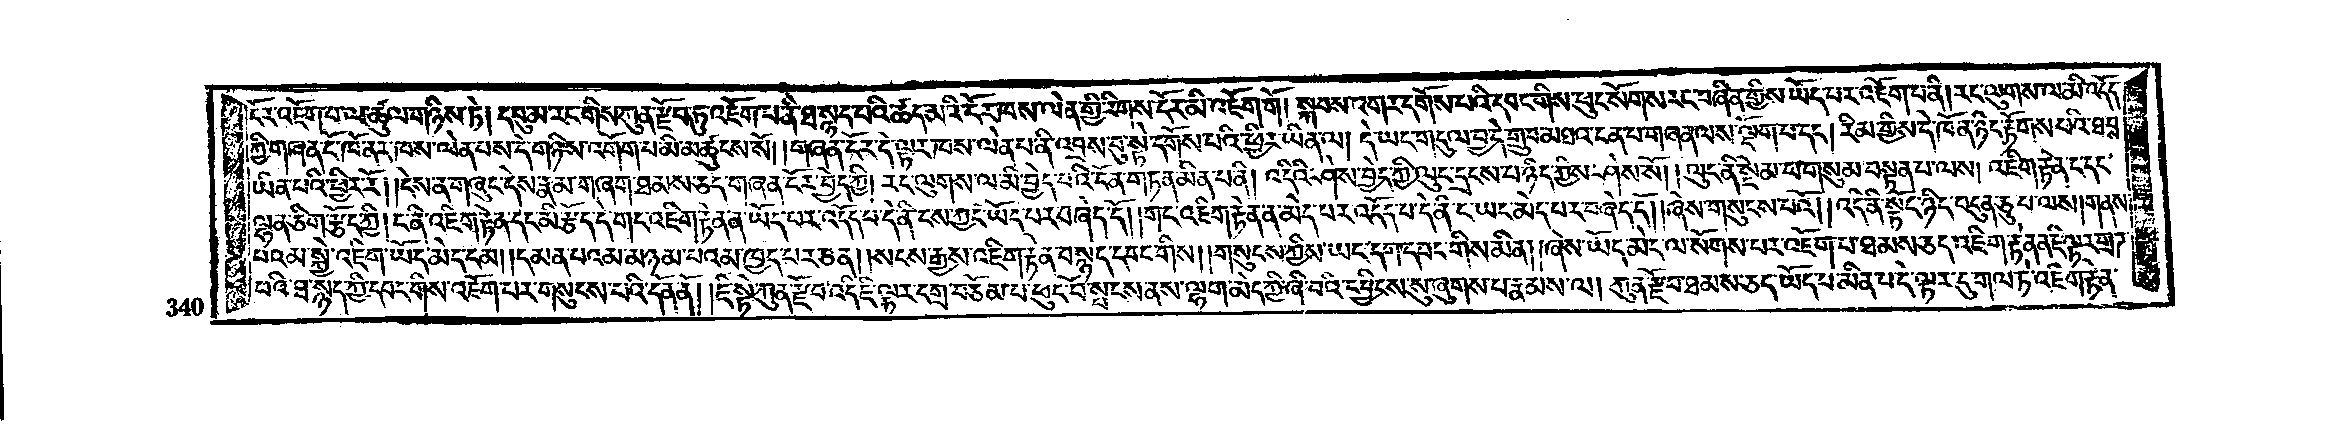ངོར་འཇོག་པ་ལ་ཚུལ་གཉིས་ཏེ། དབུ་མ་རང་གིས་ཀུན་རྫོབ་ཏུ་འཇོག་པ་ནི་ཐ་སྙད་པའི་ཚད་མའི་ངོར་ཁས་ལེན་གྱི་རིགས་ངོར་མི་འཇོག་གོ །སྐབས་འགར་དགོས་པའི་དབང་གིས་ཕུང་སོགས་རང་བཞིན་གྱིས་ཡོད་པར་འཇོག་པ་ནི། རང་ལུགས་ལ་མི་འདོད་
ཀྱི་གཞན་ངོ་ཁོ་ནར་ཁས་ལེན་པས་དེ་གཉིས་འགོག་པ་མི་མཚུངས་སོ། །གཞན་ངོར་དེ་ལྟར་ཁས་ལེན་པ་ནི་འབྲས་བུ་སྟེ་དགོས་པའི་ཕྱིར་ཡིན་ལ། དེ་ཡང་གདུལ་བྱ་དེ་གྲུབ་མཐའ་ངན་པ་གཞན་ལས་ལྡོག་པ་དང་། རིམ་གྱིས་དེ་ཁོ་ན་ཉིད་རྟོགས་པའི་ཐབས་
ཡིན་པའི་ཕྱིར་རོ། །དེས་ན་གཞུང་དེས་རྣམ་གཞག་ཐམས་ཅད་གཞན་ངོར་བྱེད་ཀྱི། རང་ལུགས་ལ་མི་བྱེད་པའི་དོན་གཏན་མིན་པ་ནི། འདིའི་ཤེས་བྱེད་ཀྱི་ལུང་དྲངས་པ་ཉིད་ཀྱིས་ཤེས་སོ། །ལུང་ནི་སྡོམ་པ་གསུམ་བསྟན་པ་ལས། འཇིག་རྟེན་ང་དང་
ལྷན་ཅིག་རྩོད་ཀྱི། ང་ནི་འཇིག་རྟེན་དང་མི་རྩོད་དེ། གང་འཇིག་རྟེན་ན་ཡོད་པར་འདོད་པ་དེ་ནི་ངས་ཀྱང་ཡོད་པར་བཞེད་དོ། །གང་འཇིག་རྟེན་ན་མེད་པར་འདོད་པ་དེ་ནི་ང་ཡང་མེད་པར་བཞེད་དོ། །ཞེས་གསུངས་པའོ། །འདི་ནི་སྟོང་ཉིད་བདུན་ཅུ་པ་ལས། གནས་
པའམ་སྐྱེ་འཇིག་ཡོད་མེད་དམ། །དམན་པའམ་མཉམ་པའམ་ཁྱད་པར་ཅན། །སངས་རྒྱས་འཇིག་རྟེན་བསྙད་དབང་གིས། །གསུངས་ཀྱིས་ཡང་དག་དབང་གིས་མིན། །ཞེས་ཡོད་མེད་ལ་སོགས་པར་འཇོག་པ་ཐམས་ཅད་འཇིག་རྟེན་ན་ཇི་ལྟར་གྲགས་
པའི་ཐ་སྙད་ཀྱི་དབང་གིས་འཇོག་པར་གསུངས་པའི་དོན་ནོ། །ཇི་སྟེ་ཀུན་རྫོབ་འདི་ཇི་ལྟར་དགྲ་བཅོམ་པ་ཕུང་བོ་སྤངས་ནས་ལྷག་མེད་ཀྱི་ཞི་བའི་དབྱིངས་སུ་ཞུགས་པ་རྣམས་ལ། ཀུན་རྫོབ་ཐམས་ཅད་ཡོད་པ་མིན་པ་དེ་ལྟར་དུ་གལ་ཏེ་འཇིག་རྟེན་